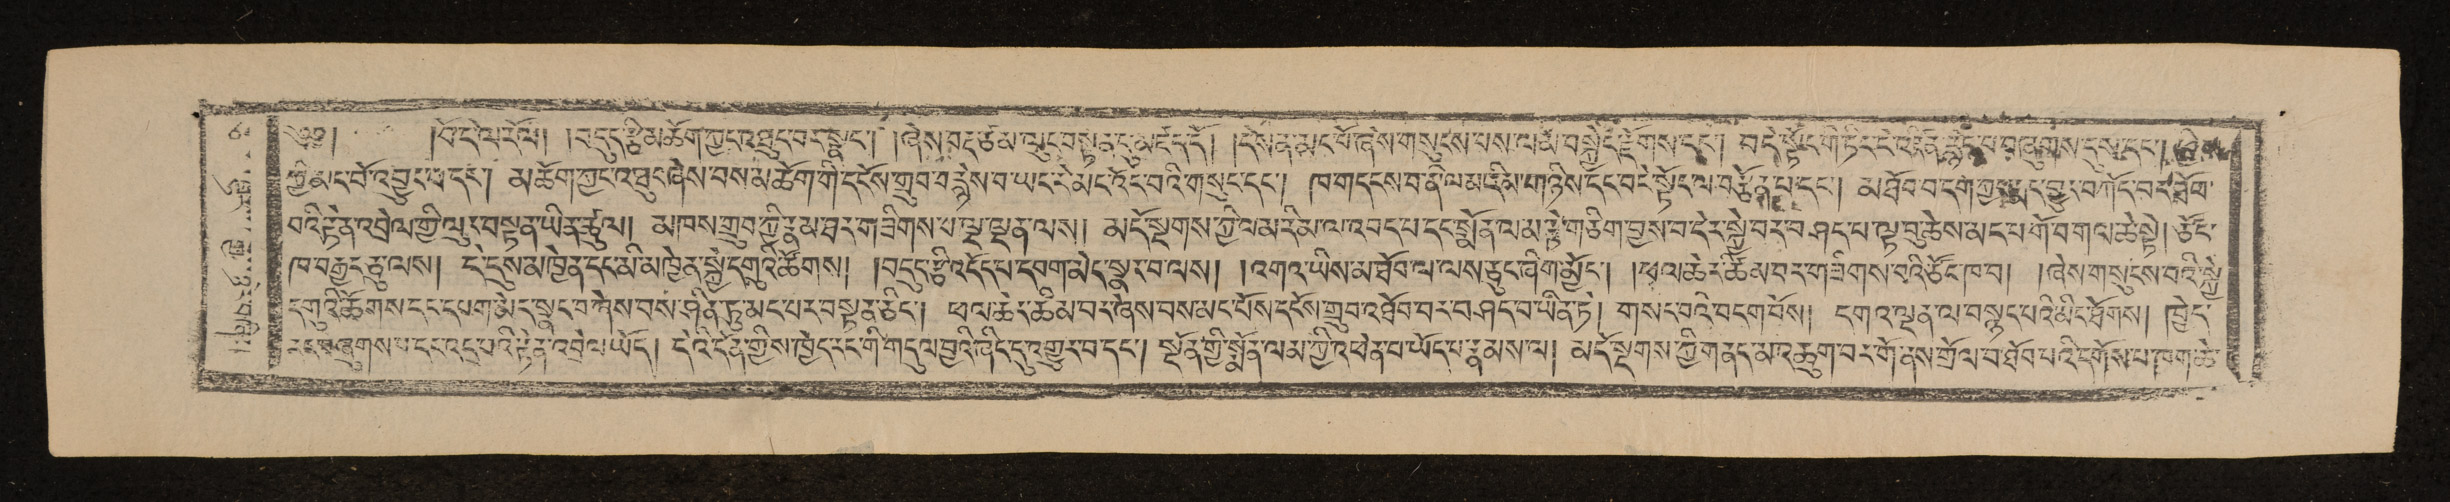༄༅། །པོ་དེ་ལ་རོལ། །བདུད་རྩི་མཆོག་ཀྱང་འཐུང་བར་སྣང་། །ཞེས་བརྡ་ཙམ་ལུང་བསྟན་དུ་མཛད་དོ། །དེས་ན་མང་པོ་ཞེས་གསུངས་པས་ལམ་བསྐྱེད་རྫོགས་དང་། བདེ་སྟོང་གི་ཏིང་ངེ་འཛིན་རྙེད་པ་བཞུགས་དུས་དང་། ཕྱིས་
ཀྱི་མང་པོ་འབྱུང་བ་དང་། མཆོག་ཀྱང་འཐུང་ཞེས་པས་མཆོག་གི་དངོས་གྲུབ་བརྙེས་པ་ཡང་རེ་མང་འོང་བའི་གསུང་དང་། ཁ་གདངས་བ་ནི་ལམ་རིམ་གཉིས་དང་བདེ་སྟོང་ལ་བརྩོན་པ་དང་། མ་ཐོབ་པ་དག་ཀྱང་རྨད་བྱུང་བཀོད་པར་ཐོབ་
པའི་རྟེན་འབྲེལ་གྱི་ལུང་བསྟན་ཡིན་ཚུལ། མཁས་གྲུབ་ཀྱི་རྣམ་ཐར་གཟིགས་པ་ལྔ་ལྡན་ལས། མདོ་སྔགས་ཀྱི་ལམ་རིམ་ལ་འབད་པ་དང་སྨོན་ལམ་རྩེ་གཅིག་བྱས་པ་དེར་སྐྱེ་བར་བཤད་པ་ལྟ་བུ་ཆེས་མང་བ་གོ་བ་གལ་ཆེ་སྟེ། ཙོང་
ཁ་བརྒྱད་ཅུ་ལས། དེ་དུས་མཁྱེན་དང་མི་མཁྱེན་སྐྱེ་དགུའི་ཚོགས། །བདུད་རྩི་འདོད་པ་དཔག་མེད་སྣང་བ་ལས། །འགའ་ཡིས་མ་ཐོབ་ལ་ལས་ཅུང་ཞིག་མྱོང་། །ཕལ་ཆེར་ཚིམ་པར་གཟིགས་པའི་ཙོང་ཁ་པ། །ཞེས་གསུངས་པའི་སྐྱེ་
དགུའི་ཚོགས་དང་དཔག་མེད་སྣང་བ་ཞེས་པས་ཤིན་ཏུ་མང་བར་བསྟན་ཅིང་། ཕལ་ཆེར་ཚིམ་པར་ཞེས་པས་མང་པོས་དངོས་གྲུབ་འཐོབ་པར་བཤད་པ་ཡིན་ཏེ། གསང་བའི་བདག་པོས། དགའ་ལྡན་ལ་བསྙད་པའི་མིང་ཐོགས། ཁྱེད་
རང་བཞུགས་པ་དང་འདྲ་བའི་རྟེན་འབྲེལ་ཡོད། དེའི་དོན་གྱིས་ཁྱེད་རང་གི་གདུལ་བྱའི་ཞིང་དུ་འགྱུར་བ་དང་། སྔོན་གྱི་སྨོན་ལམ་གྱི་འཕེན་པ་ཡོད་པ་རྣམས་ལ། མདོ་སྔགས་ཀྱི་གནང་མ་འཆུག་པར་གོ་ནས་གྲོལ་བ་ཐོབ་པའི་དགོས་པ་ཁག་ཆེ་